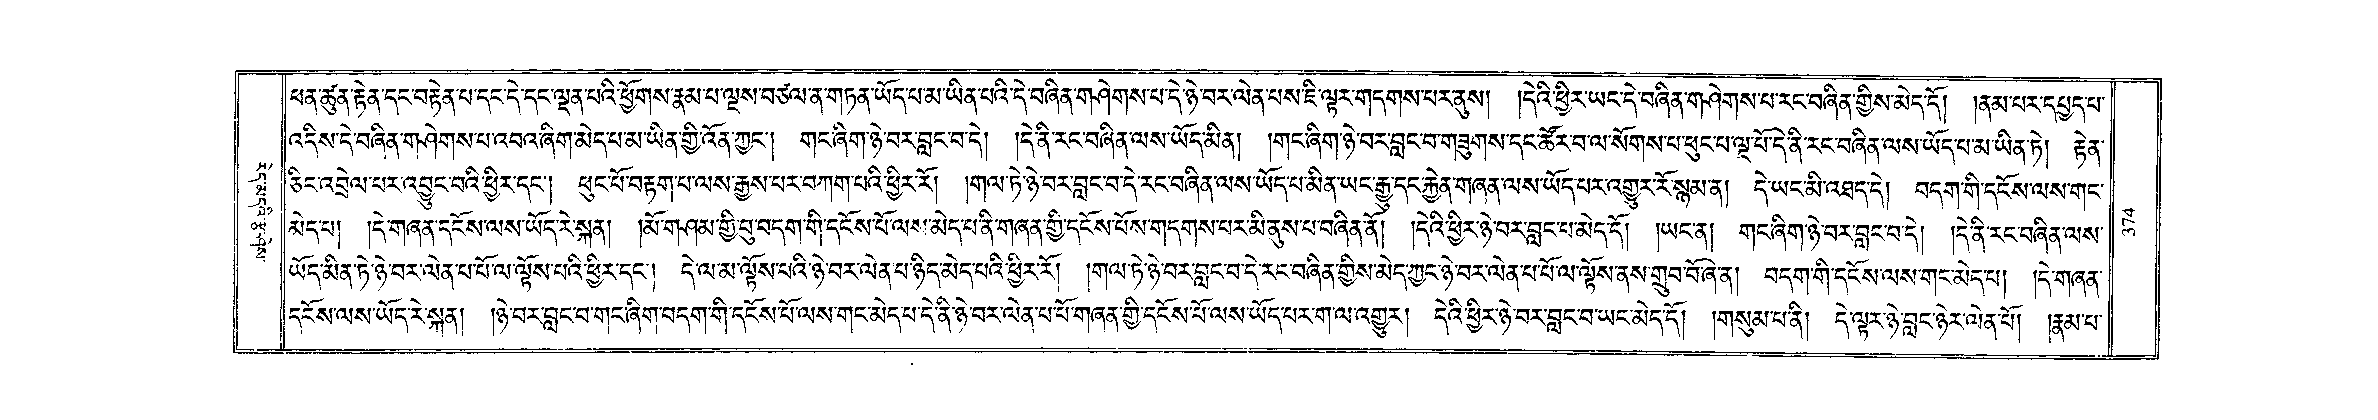ཕན་ཚུན་རྟེན་དང་བརྟེན་པ་དང་དེ་དང་ལྡན་པའི་ཕྱོགས་རྣམ་པ་ལྔས་བཙལ་ན་གཏན་ཡོད་པ་མ་ཡིན་པའི་དེ་བཞིན་གཤེགས་པ་དེ་ཉེ་བར་ལེན་པས་ཇི་ལྟར་གདགས་པར་ནུས། །དེའི་ཕྱིར་ཡང་དེ་བཞིན་གཤེགས་པ་རང་བཞིན་གྱིས་མེད་དོ། །ནམ་པར་དཔྱད་པ་
འདིས་དེ་བཞིན་གཤེགས་པ་འབའ་ཞིག་མེད་པ་མ་ཡིན་གྱི་འོན་ཀྱང་། གང་ཞིག་ཉེ་བར་བླང་བ་དེ། །དེ་ནི་རང་བཞིན་ལས་ཡོད་མིན། །གང་ཞིག་ཉེ་བར་བླང་བ་གཟུགས་དང་ཚོར་བ་ལ་སོགས་པ་ཕུང་པོ་ལྔ་པོ་དེ་ནི་རང་བཞིན་ལས་ཡོད་པ་མ་ཡིན་ཏེ། རྟེན་
ཅིང་འབྲེལ་པར་འབྱུང་བའི་ཕྱིར་དང་། ཕུང་པོ་བརྟག་པ་ལས་རྒྱས་པར་བཀག་པའི་ཕྱིར་རོ། །གལ་ཏེ་ཉེ་བར་བླང་བ་དེ་རང་བཞིན་ལས་ཡོད་པ་མིན་ཡང་རྒྱུ་དང་རྐྱེན་གཞན་ལས་ཡོད་པར་འགྱུར་རོ་སྙམ་ན། དེ་ཡང་མི་འཐད་དེ། བདག་གི་དངོས་ལས་གང་
མེད་པ། །དེ་གཞན་དངོས་ལས་ཡོད་རེ་སྐན། །མོ་གཤམ་གྱི་བུ་བདག་གི་དངོས་པོ་ལས་མེད་པ་ནི་གཞན་གྱི་དངོས་པོས་གདགས་པར་མི་ནུས་པ་བཞིན་ནོ། །དེའི་ཕྱིར་ཉེ་བར་བླང་པ་མེད་དོ། །ཡང་ན། གང་ཞིག་ཉེ་བར་བླང་བ་དེ། །དེ་ནི་རང་བཞིན་ལས་
ཡོད་མིན་ཏེ་ཉེ་བར་ལེན་པ་པོ་ལ་ལྟོས་པའི་ཕྱིར་དང་། དེ་ལ་མ་ལྟོས་པའི་ཉེ་བར་ལེན་པ་ཉིད་མེད་པའི་ཕྱིར་རོ། །གལ་ཏེ་ཉེ་བར་བླང་བ་དེ་རང་བཞིན་གྱིས་མེད་ཀྱང་ཉེ་བར་ལེན་པ་པོ་ལ་ལྟོས་ནས་གྲུབ་བོ་ཞེ་ན། བདག་གི་དངོས་ལས་གང་མེད་པ། །དེ་གཞན་
དངོས་ལས་ཡོད་རེ་སྐན། །ཉེ་བར་བླང་བ་གང་ཞིག་བདག་གི་དངོས་པོ་ལས་གང་མེད་པ་དེ་ནི་ཉེ་བར་ལེན་པ་པོ་གཞན་གྱི་དངོས་པོ་ལས་ཡོད་པར་ག་ལ་འགྱུར། །དེའི་ཕྱིར་ཉེ་བར་བླང་བ་ཡང་མེད་དོ། །གསུམ་པ་ནི། དེ་ལྟར་ཉེ་བླང་ཉེར་ལེན་པོ། །རྣམ་པ་